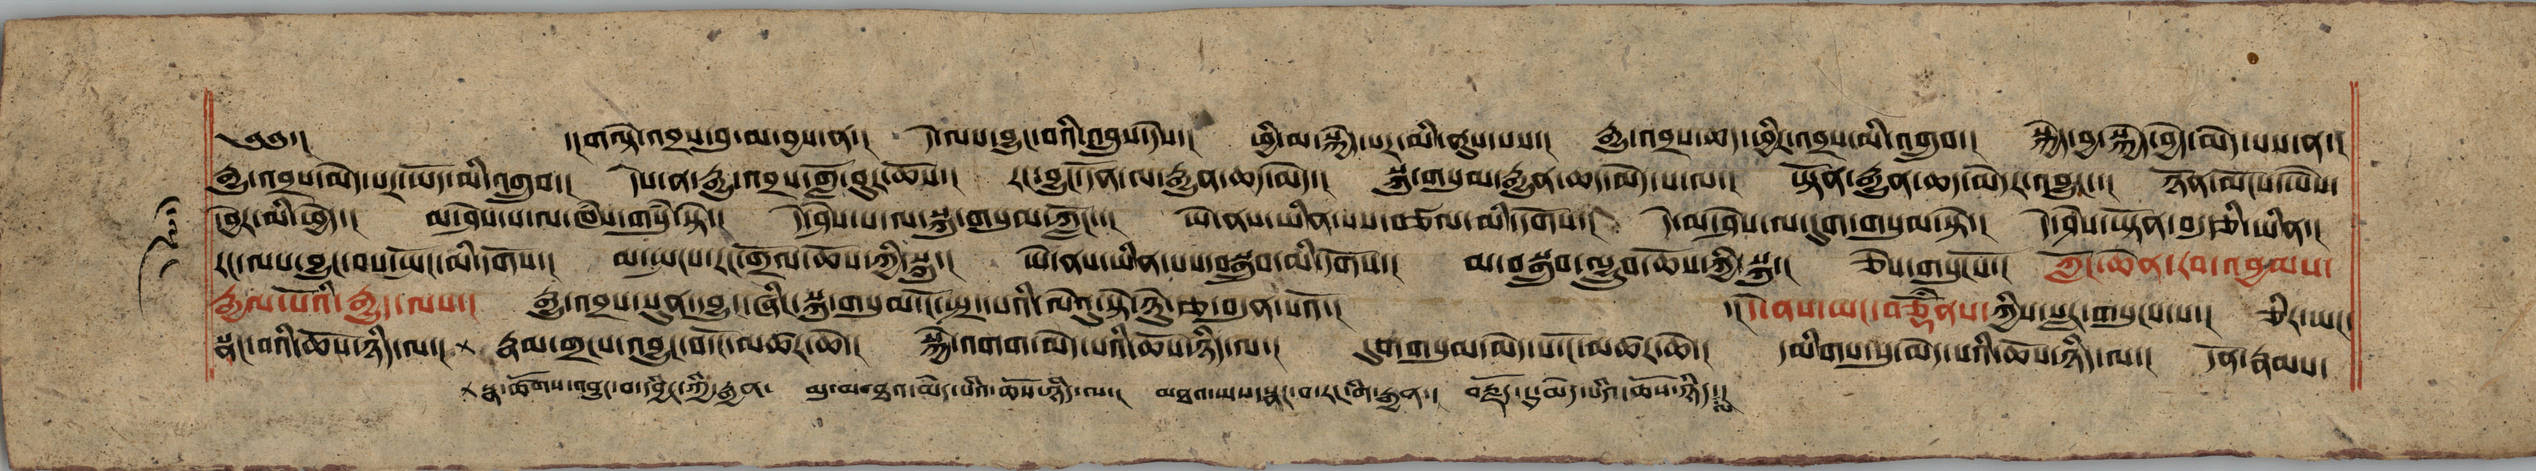༄༅་། ་།གལྟེ་འབྲས་བུ་མ་བྱས་ན་། དེ་ལས་བྱུང་བའི་འབྲུས་དེས་། ཕྱི་མ་སྐྱེད་པར་མི་ནུས་པས་། རྒྱུ་འབྲས་ཆད་ཕྱིར་འབྲས་མི་འགྲུབ་། སྐྱེད་བྱ་སྐྱེད་བྱེད་མེད་པས་ན་།
རྒྱུ་འབྲས་མེད་པར་ཡོད་མི་འགྲུབ་། དེས་ན་རྒྱུ་འབྲས་གློ་བུར་ཆོས་། རང་བྱུང་དོན་ལ་རྒྱུན་ཆད་མེད་། སྐུ་གསུམ་རྒྱུན་ཆད་མེད་པ་ལ་། ཡྟོན་རྒྱུན་ཆད་མེདར་འབྱུང་། ཉོན་མོངས་ཡཻས་
དབྱེར་མི་ཕྱེད་། མ་ཤེས་པ་ལ་ཁཾས་གསུཾ་སྟེ་། དེ་ཤེས་པ་ལ་སྐུ་གསུམ་ཀློང་་། ཡེ་ནས་ཡིན་པས་བཙལ་མི་དགོས་། དེ་མ་ཤེས་ལ་དུག་གསུམ་སྟེ་། དེ་ཤེས་ཡྟོན་བདུདཅི་ཡིན་།
རང་ལས་བྱུང་བས་སྤོང་མི་དགོས་། མ་སྤངས་རང་གྲོལ་ཆོས་ཀྱི་སྐུ་། ཡེ་ནས་ཡིན་པས་བསྒྲུབ་མི་དགོས་། མ་བསྒྲུབ་ལྷྲུབ་ཆོས་ཀྱི་སྐུ་། ཅེས་གསུངསོ་། ཀློང་ཆེན་རབ་འབྱམས་
རྒྱལ་པོའི་རྒྱུད་ལས་། རྒྱུ་འབྲས་སུན་དབྱུང་ཞིང་སྐུ་གསུམ་ངོ་སྤྲད་པའི་ལེའུ་སྟེ་ཉེུ་རྩ་བདུན་པའོ་། ་།དེ་ནས་ཡང་བཅྡོཾནས་ཀྱིས་སླར་གསུངས་པ་། ཅིར་ཡང་
སྣང་བའི་ཆོས་ཉིད་ལ་། རྣམ་གྲངས་འབྱུང་བ་ངོ་མཚར་ཆེ་། སྐྱེ་འགག་མེད་པའི་ཆོས་ཉིད་ལ་། དུག་གསུམ་མེད་པ་ངོ་མཚར་ཆེ་། དམིགས་སུ་མེད་པའི་ཆོས་ཉིད་ལ་། དོན་རྣམས་
བྱུང་བ་དབྱིང་ཀྱི་རྒྱན་ མུ་མཐའ་མེད་པའི་ཆོས་ཉིད་ལ་། མཐའ་ཡས་སྣང་བ་རང་གི་རྒྱན་། བརྗོད་དུ་མེད་པའི་ཆོས་ཉིད་མེད་་